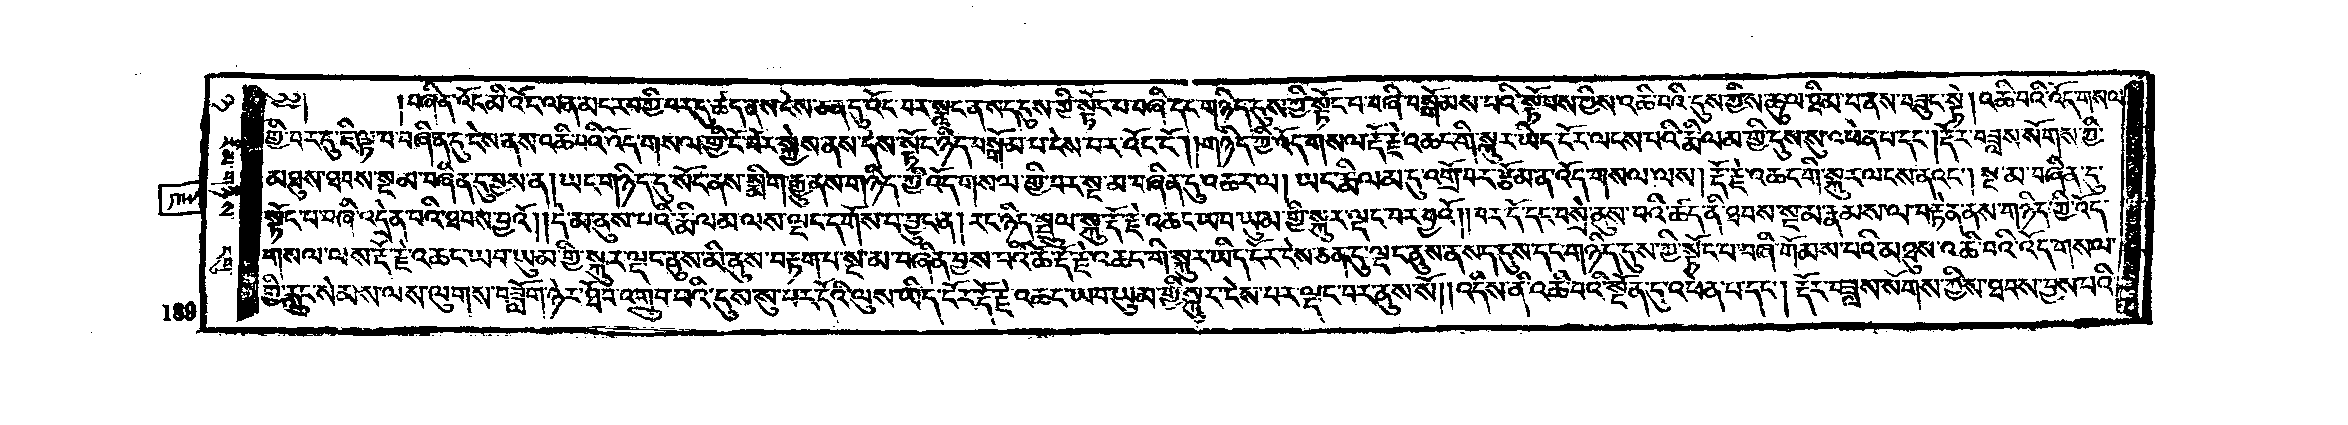༄༅། །བཞིན་འོང་མི་འོང་ལན་མང་རབ་ཀྱི་བར་དུ་ཚད་ནས་ངེས་ཅན་དུ་འོང་བར་སྣང་ན་སད་དུས་ཀྱི་སྟོང་པ་བཞི་དང་གཉིད་དུས་ཀྱི་སྟོང་པ་བཞི་བསྒོམས་པའི་སྟོབས་ཀྱིས་འཆི་བའི་དུས་ཀྱིས་ཆུ་ལ་ཐིམ་པ་ནས་བཟུང་སྟེ། འཆི་བའི་འོད་གསལ་
གྱི་བར་དུ་ཇི་ལྟ་བ་བཞིན་དུ་ངེས་ནས་འཆི་བའི་འོད་གསལ་གྱི་ངོ་བོར་སྐྱེས་ནས་དེས་སྟོང་ཉིད་བསྒོམ་པ་ངེས་པར་འོང་ངོ། །གཉིད་ཀྱི་འོད་གསལ་རྡོ་རྗེ་འཆང་གི་སྐུར་ཡིད་ངོར་ལངས་པའི་རྨི་ལམ་གྱི་དུས་སུ་འཕེན་པ་དང་། རྡོར་བཟླས་སོགས་ཀྱི་
མཐུས་ཐབས་སྔ་མ་བཞིན་དུ་བྱས་ན། ཡང་གཉིད་དུ་སོང་ནས་སྨིག་རྒྱུ་ནས་གཉིད་ཀྱི་འོད་གསལ་གྱི་བར་སྔ་མ་བཞིན་དུ་འཆར་ལ། ཡང་རྨི་ལམ་དུ་འགྲོ་བར་རྩོམ་ན་འོད་གསལ་ལས། རྡོ་རྗེ་འཆང་གི་སྐུར་ལངས་ནའང་། སྔ་མ་བཞིན་དུ་
སྟོང་པ་བཞི་འདྲེན་པའི་ཐབས་བྱའོ། །དེ་མ་ནུས་པའི་རྨི་ལམ་ལས་ལྡང་དགོས་པ་བྱུང་ན། རང་ཉིད་སྤྲུལ་སྐུ་རྡོ་རྗེ་འཆང་ཡབ་ཡུམ་གྱི་སྐུར་ལྡང་བར་བྱའོ། །བར་དོ་དང་བསྲེ་ནུས་བའི་ཚད་ནི་ཐབས་སྔ་མ་རྣམས་ལ་བརྟེན་ནས་གཉིད་ཀྱི་འོད་
གསལ་ལས་རྡོ་རྗེ་འཆང་ཡབ་ཡུམ་གྱི་སྐུར་ལྡང་ནུས་མི་ནུས་བརྟག་པ་སྔ་མ་བཞིན་བྱས་པའི་ཚེ་རྡོ་རྗེ་འཆང་གི་སྐུར་ཡིད་ངོར་དེས་ཅན་དུ་ལྡང་ནུས་ན་སད་དུས་དང་གཉིད་དུས་ཀྱི་སྟོང་པ་བཞི་གོམས་པའི་མཐུས་འཆི་བའི་འོད་གསལ་
གྱི་རླུང་སེམས་ལས་ལུགས་བཟློག་ཉེར་ཐོབ་འགྲུབ་པའི་དུས་སུ་བར་དོའི་ལུས་ཡིད་ངོར་རྡོ་རྗེ་འཆང་ཡབ་ཡུམ་གྱི་སྐུར་ངེས་པར་ལྡང་བར་ནུས་སོ། །འདིས་ནི་འཆི་བའི་སྔོན་དུ་འཕེན་པ་དང་།རྡོར་བཟླས་སོགས་ཀྱིས་ཐབས་བྱས་པའི་